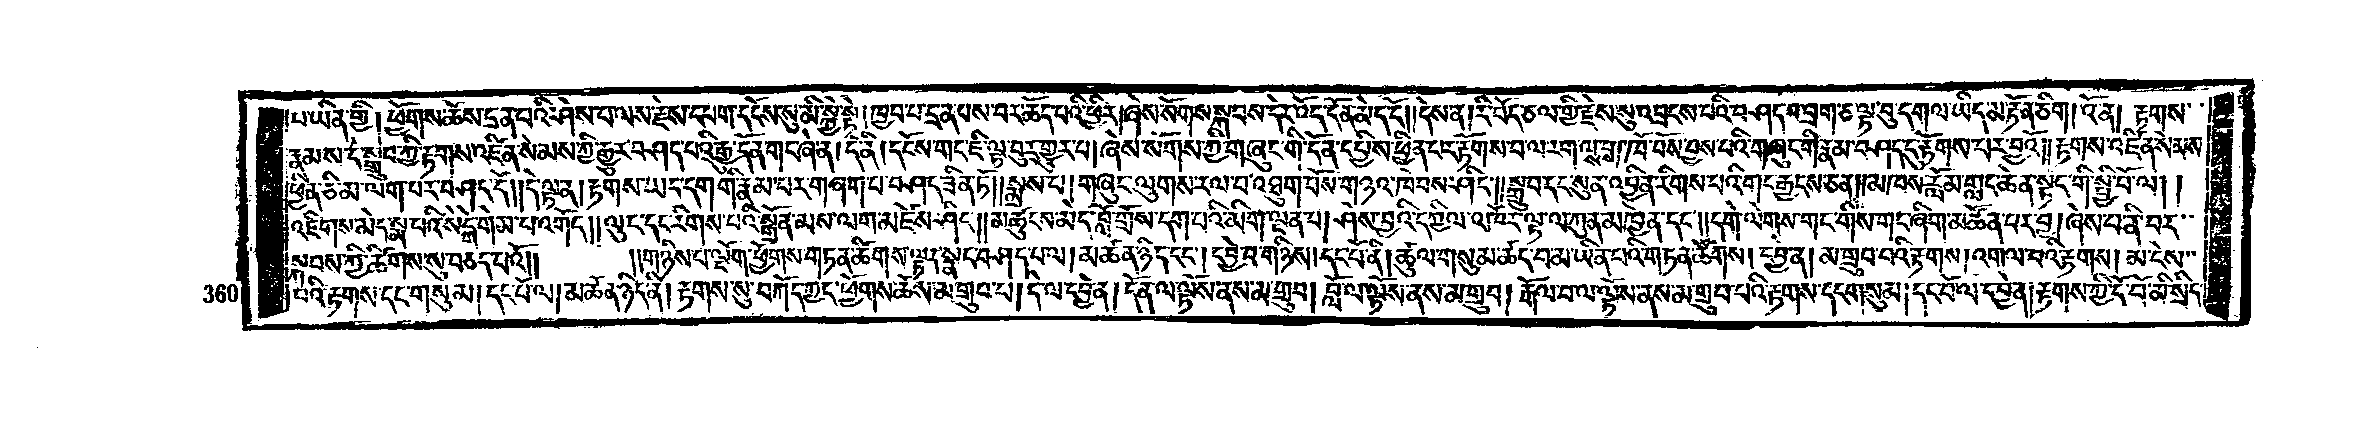པ་ཡིན་གྱི། ཕྱོགས་ཆོས་དྲན་པའི་ཤེས་པ་ལས་རྗེས་དཔག་དངོས་སུ་མི་སྐྱེ་སྟེ། ཁྱབ་པ་དྲན་པས་བར་ཆོད་པའི་ཕྱིར། ཞེས་སོགས་སྐབས་དེར་འོད་?་དོན་མེད་དེ། །དེས་ན། རི་བོང་ཅལ་གྱི་རྗེས་སུ་འབྲངས་པའི་བཤད་པ་བྲག་ཅ་ལྟ་བུ་དག་ལ་ཡིད་མ་རྟོན་ཅིག །འོ་ན། རྟགས་
རྣམས་དེ་སྒྲུབ་ཀྱི་རྟགས་འཛིན་སེམས་ཀྱི་རྒྱུར་བཤད་པའི་རྒྱུ་དོན་གང་ཞེ་ན། དེ་ནི། དངོས་གང་ཇི་ལྟ་བུར་གྱུར་པ། ཞེས་སོགས་ཀྱི་གཞུང་གི་དོན་དཔྱིས་ཕྱིན་པར་རྟོགས་པ་ལ་རག་ལས་པས། ཁོ་བོས་བྱས་པའི་གཞུང་གི་རྣམ་བཤད་དུ་རྟོགས་པར་བྱའོ། །རྟགས་འཛིན་སེམས་
ཕྱིན་ཅི་མ་ལོག་པར་བཤད་དོ། །དེ་ལྟ་ན། རྟགས་ཡང་དག་གི་རྣམ་པར་གཞག་པ་བཤད་ཟིན་ཏོ། །སྨྲས་པ། གཞུང་ལུགས་རལ་པ་འཐུག་པོས་གཉའ་ཁེབས་ཤིང་། །སྒྲུབ་དང་སུན་འབྱིན་རིགས་པའི་གང་རྒྱངས་ཅན། །མཁས་རློམ་གླང་ཆེན་སྟོང་གི་སྤྱི་བོ་ལ། །
འཇིགས་མེད་སྨྲ་བའི་སེངྒེ་གོམ་པ་འགོད། །ལུང་དང་རིགས་པའི་སྒྲོན་མས་ལག་མཛེས་ཤིང་། །མཚུངས་མེད་བློ་གྲོས་དག་པའི་མགོ་ལྡན་པ། ཤེས་བྱའི་དཀྱིལ་མཁོར་ལྟ་ལ་ཀུན་མཁྱེན་དང་། །དགེ་ལེགས་གང་གིས་གང་ཞིག་མཚོན་པར་བྱ། ཞེས་པ་ནི་བར་
སྐབས་ཀྱི་ཚིགས་སུ་བཅད་པའོ།། །།གཉིས་པ་ལྡོག་ཕྱོགས་གཏན་ཚིགས་ལྟར་སྣང་བཤད་པ་ལ། མཚན་ཉིད་དང་། དབྱེ་བ་གཉིས། དང་པོ་ནི། ཚུལ་གསུམ་ཚང་བ་མ་ཡིན་པའི་གཏན་ཚིགས། དབྱེ་ན། མ་གྲུབ་པའི་རྟགས། འགལ་བའི་རྟགས། མ་ངེས་
པའི་རྟགས་དང་གསུམ། དང་པོ་ལ། མཚན་ཉིད་ནི། རྟགས་སུ་བཀོད་ཀྱང་ཕྱོགས་ཆོས་མ་གྲུབ་པ། དེ་ལ་དབྱེ་ན། དོན་ལ་ལྟོས་ནས་མ་གྲུབ། བློ་ལ་ལྟོས་ནས་མ་གྲུབ། རྒོལ་བ་ལ་ལྟོས་ནས་མ་གྲུབ་པའི་རྟགས་དང་གསུམ། དང་པོ་ལ་དབྱེ་ན། རྟགས་ཀྱི་ངོ་བོ་མི་སྲིད་